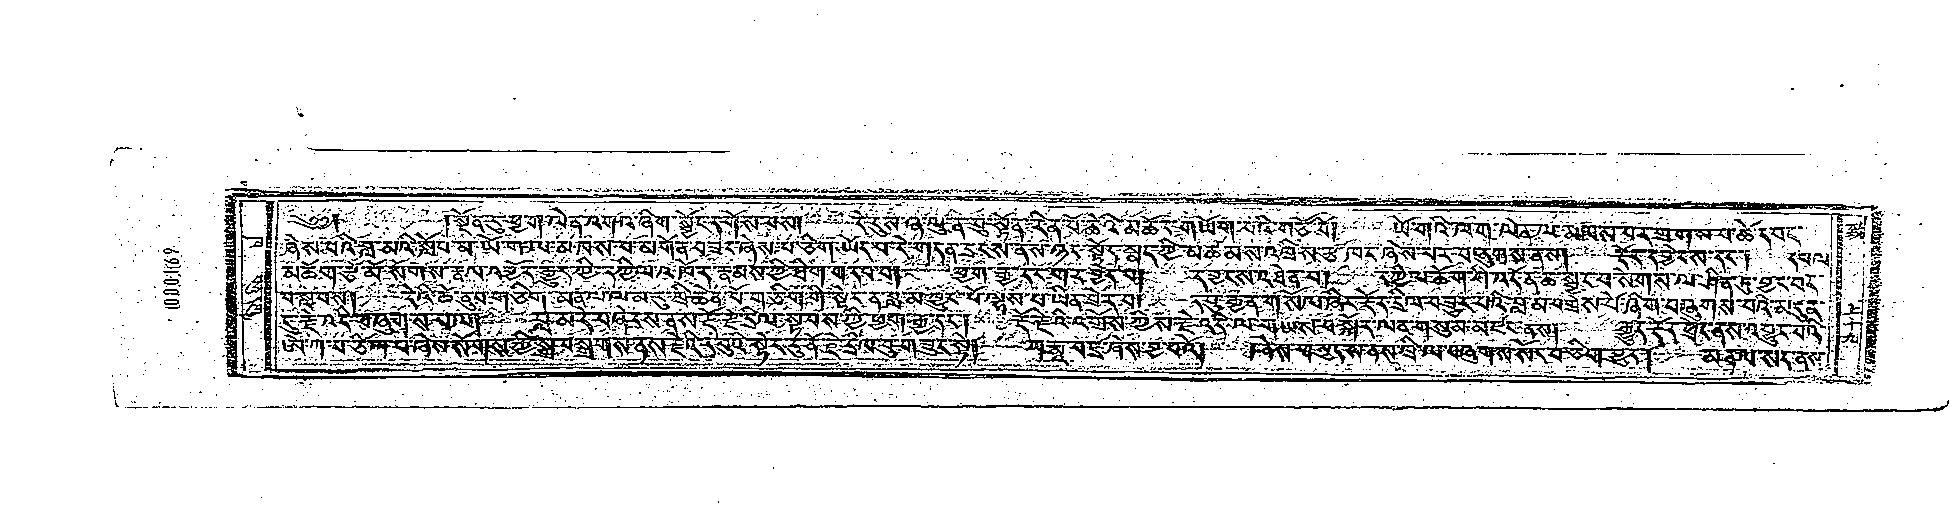༄༅། །སྔོན་དུ་ཕྱག་ལེན་འགའ་ཞིག་སྦྱོང་དགོས་པས། དེ་དུས་ཞ་ལུ་ན་བུ་སྟོན་རིན་པོ་ཆེའི་མཆོད་གཡོག་པའི་གཙོ་བོ། ཡོ་གའི་ཁག་ལེན་ལ་མཁས་པར་གྲགས་པ་ཚེ་དབང་
ཞེས་པའི་བླ་མའི་སློབ་མ་ཡོ་ག་ལ་མཁས་པ་མགོན་བཟང་ཞེས་པ་ཅིག་ཡོད་པ་དེ་གདན་དྲངས་ནས་ཉད་སྟོད་སྨད་ཀྱི་མཚམས་འཁྲིས་རྩ་ཁང་ཞེས་པར་བཞུགས་ནས། རྡོར་དབྱངས་དང་། དཔལ་
མཆོག་རྩེ་མོ་སོགས་རྣལ་འབྱོར་རྒྱུད་ཀྱི་དཀྱིལ་འཁོར་རྣམས་ཀྱི་ཐིག་གདབ་བ། ཕྱག་རྒྱ་དང་གར་བྱེད་པ། དབྱངས་འཐེན་པ། དཀྱིལ་ཆོག་གི་འདོན་ཆ་སྦྱང་བ་སོགས་ལ་ཤིན་ཏུ་བྱང་བར་
བསླབས། དེའི་ཆོ་ནུབ་གཅིག་མནལ་ལམ་དུ་ཁྲི་ཆེན་པོ་གཅིག་གི་སྟེང་ན་བླ་མ་ཁྱུང་པོ་ལྟས་པ་ཡིན་ཟེར་བ། དབུ་རྒྱན་གསོལ་ཞིང་རྡོར་དྲིལ་བཟུང་པའི་བླ་མ་བགྲེས་པོ་ཞིག་བཞུགས་པའི་མདུན་
དུ་རྗེ་འདི་བཞུགས་པ་ལ། བླ་མ་དེ་བཞེངས་ནས་རྡོ་རྗེ་དྲིལ་སྟབས་ཀྱི་ཕྱག་རྒྱ་དང་། རྡོ་རྗེའི་འགྲོས་ཀྱིས་རྗེ་འདི་ལ་གཡས་བསྐོར་ལན་གསུམ་མཛད་ནས། རྒྱུད་རྡོར་ཕྲེང་ནས་འབྱུང་བའི་
ཨེ་ཀ་པ་ཙི་ཀ་པ་ཞེས་སོགས་རྐྱེ་སྒྲ་བསྒྲགས་ནས་རྗེའི་ད་བུའི་སྟེང་དུ་ནོ་རྗེ་དྲིལ་བུ་གཟུང་སྟེ། ཀརྨཱ་བཛྲ་ཞེས་བྱ་བའོ། །ཞེས་གསུངས་ནས་ཁྲི་ལ་བཞུགས་སོང་བ་ཅིག་བྱུང་། མནལ་སང་ནས་